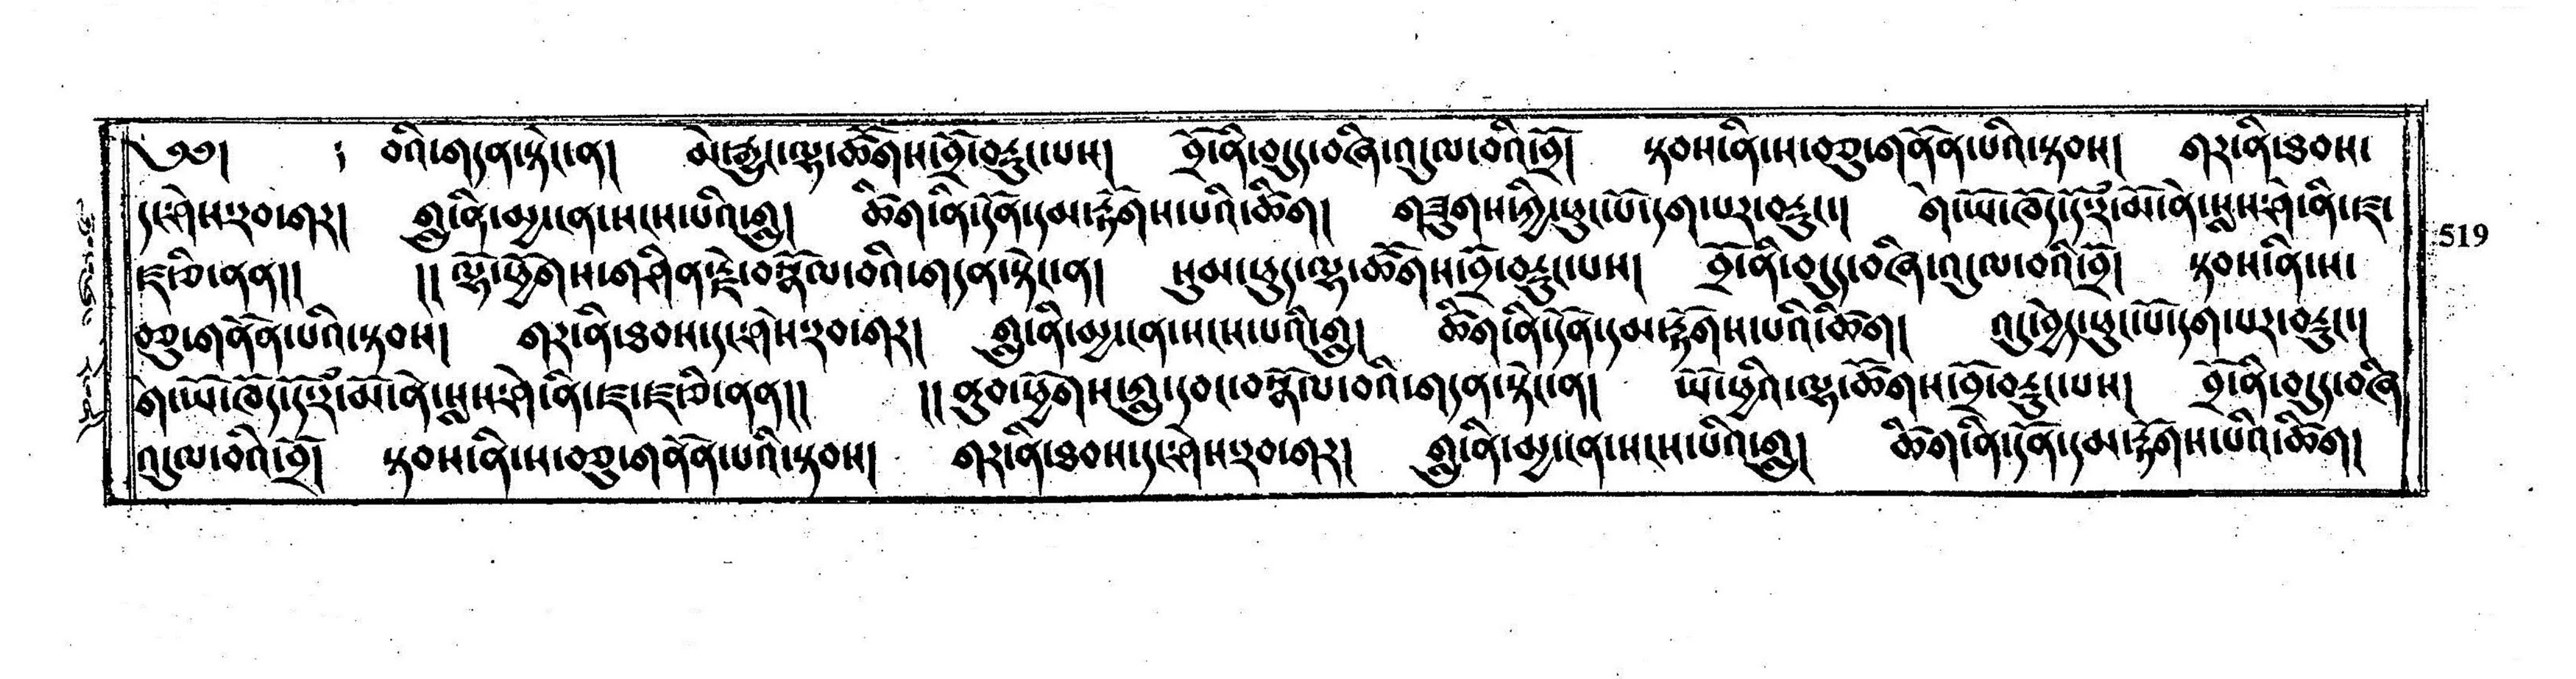བའི་གདན་སྟེང་ན། མེ་རྒྱུང་ལྷ་ཚོགས་བྲོ་བརྡུང་པས། བྲོ་ནི་བདུད་བཞི་འདུལ་བའི་བྲོ། སྟབས་ནི་ས་བཅུ་གནོན་པའི་སྟབས། གར་ནི་ཐབས་
དང་ཤེས་རབ་གར། གླུ་ནི་མྱ་ངན་སངས་པའི་གླུ། ཚིག་ནི་དོན་དམ་རྟོགས་པའི་ཚིག གཟུགས་ཀྱི་ཕུང་པོ་དག་པར་བརྡུང་། གེ་ཡོ་ཁོད་དོ་རཾ་མོ་ནེ་སླས་ཤེ་ནི་ཛ་
ཛ་ཅི་ནན།། །།ལྷོ་ཕྱོགས་གཤིན་རྗེ་བསྣོལ་བའི་གདན་སྟེང་ན། སུམ་ཕུད་ལྷ་ཚོགས་བྲོ་བརྡུང་པས། བྲོ་ནི་བདུད་བཞི་འདུལ་བའི་བྲོ། སྟབས་ནི་ས་
བཅུ་གནོན་པའི་སྟབས། གར་ནི་ཐབས་དང་ཤེས་རབ་གར། གླུ་ནི་མྱ་ངན་སངས་པའི་གླུ། ཚིག་ནི་དོན་དམ་རྟོགས་པའི་ཚིག འདུ་བྱེད་ཕུང་པོ་དག་པར་བརྡུང་། 
གེ་ཡོ་ཁོད་དོ་རཾ་མོ་ནེ་སླས་ཤེ་ནི་ཛ་ཛ་ཅི་ནན།། །།ནུབ་ཕྱོགས་ཀླུ་དབང་བསྣོལ་{535}བའི་གདན་སྟེང་ན། ཡོ་ཕྱའི་ལྷ་ཚོགས་བྲོ་བརྡུང་པས། བྲོ་ནི་བདུད་བཞི་
འདུལ་བའི་བྲོ། སྟབས་ནི་ས་བཅུ་གནོན་པའི་སྟབས། གར་ནི་ཐབས་དང་ཤེས་རབ་གར། གླུ་ནི་མྱ་ངན་སངས་པའི་གླུ། ཚིག་ནི་དོན་དམ་རྟོགས་པའི་ཚིག